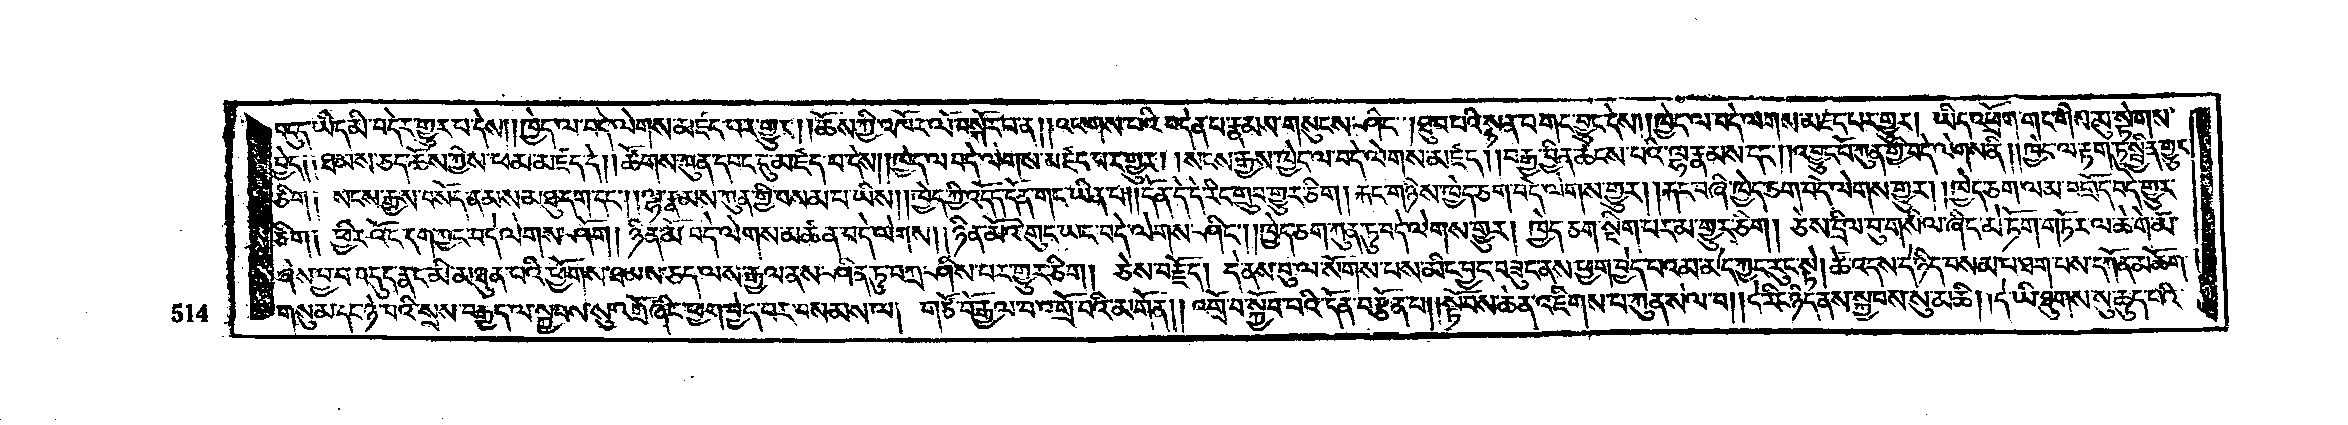བདུད་ཡིད་མི་བདེར་གྱུར་པ་དེས། །ཁྱེད་ལ་བདེ་ལེགས་མཛད་པར་གྱུར། །ཆོས་ཀྱི་འཁོར་ལོ་བསྐོར་བ་ན། །འཕགས་པའི་བདེན་པ་རྣམས་གསུངས་ཤིང་། ཐུབ་པའི་སྟན་པ་གང་བྱུང་དེས། །ཁྱེད་ལ་བདེ་ལེགས་མཛད་པར་གྱུར། ཡིད་འཕྲོག་གང་གིས་མུ་སྟེགས་
བྱེད། །ཐམས་ཅད་ཆོས་ཀྱིས་ཕམ་མཛད་དེ། །ཚོགས་ཀུན་དབང་དུ་མཛད་པ་དེས། །ཁྱེད་ལ་བདེ་ལེགས་མཛད་པར་གྱུར། །སངས་རྒྱས་ཁྱེད་ལ་བདེ་ལེགས་མཛད། །བརྒྱ་བྱིན་ཚངས་པའི་ལྷ་རྣམས་དང་། །འབྱུང་པོ་ཀུན་གྱི་བདེ་ལེགས་ནི། །ཁྱེད་ལ་རྟག་ཏུ་སྦྱིན་གྱུར་
ཅིག །སངས་རྒྱས་བསོད་ནམས་མཐུ་དག་དང་། །ལྷ་རྣམས་ཀུན་གྱི་བསམ་པ་ཡིས། །ཁྱེད་ཀྱི་འདོད་དོན་གང་ཡིན་པ། །དོན་དེ་དེ་རིང་གྲུབ་གྱུར་ཅིག །རྐང་གཉིས་ཁྱེད་ཅག་བདེ་ལེགས་གྱུར། །རྐང་བཞི་ཁྱེད་ཅག་བདེ་ལེགས་གྱུར། །ཁྱེད་ཅག་ལམ་བགྲོད་བདེ་གྱུར་
ཅིག །ཕྱིར་འོང་དག་ཀྱང་བདེ་ལེགས་ཤོག །ཉིན་མོ་བདེ་ལེགས་མཚན་བདེ་ལེགས། །ཉིན་མོའི་གུང་ཡང་བདེ་ལེགས་ཤིང་། །ཁྱེད་ཅག་ཀུན་ཏུ་བདེ་ལེགས་གྱུར། ཁྱེད་ཅག་སྡིག་པར་མ་གྱུར་ཅིག །ཅེས་དྲིལ་བུ་གསིལ་ཞིང་མེ་ཏོག་གཏེར་ལ་ཆེ་གེ་མོ་
ཞེས་བྱ་བ་བདུད་དང་མི་མཐུན་པའི་ཕྱོགས་ཐམས་ཅད་ལས་རྒྱལ་ནས་ཤིན་ཏུ་བཀྲ་ཤིས་པར་གྱུར་ཅིག །ཅེས་བརྗོད། དེ་ནས་བུ་ལ་སོགས་པས་མིང་བྱང་བཟུང་ནས་ཕྱག་བྱེད་པའམ་མེད་ཀྱང་རུང་སྟེ། ཚེ་འདས་དེ་ཉིད་བསམ་པ་ཐག་པས་དཀོན་མཆོག་
གསུམ་དང་ཉེ་བའི་སྲས་བརྒྱད་ལ་སྐྱབས་སུ་འགྲོ་ཞིང་ཕྱག་བྱེད་པར་བསམས་ལ། གཙོ་བོ་རྒྱལ་བ་འགྲོ་བའི་མགོན། །འགྲོ་བ་སྐྱོབ་པའི་དོན་བརྩོན་པ། །སྟོབས་ཆེན་འཇིགས་པ་ཀུན་སེལ་བ། །དེ་རིང་ཉིད་ནས་སྐྱབས་སུ་མཆི། །དེ་ཡི་ཐུགས་སུ་ཆུད་པའི་